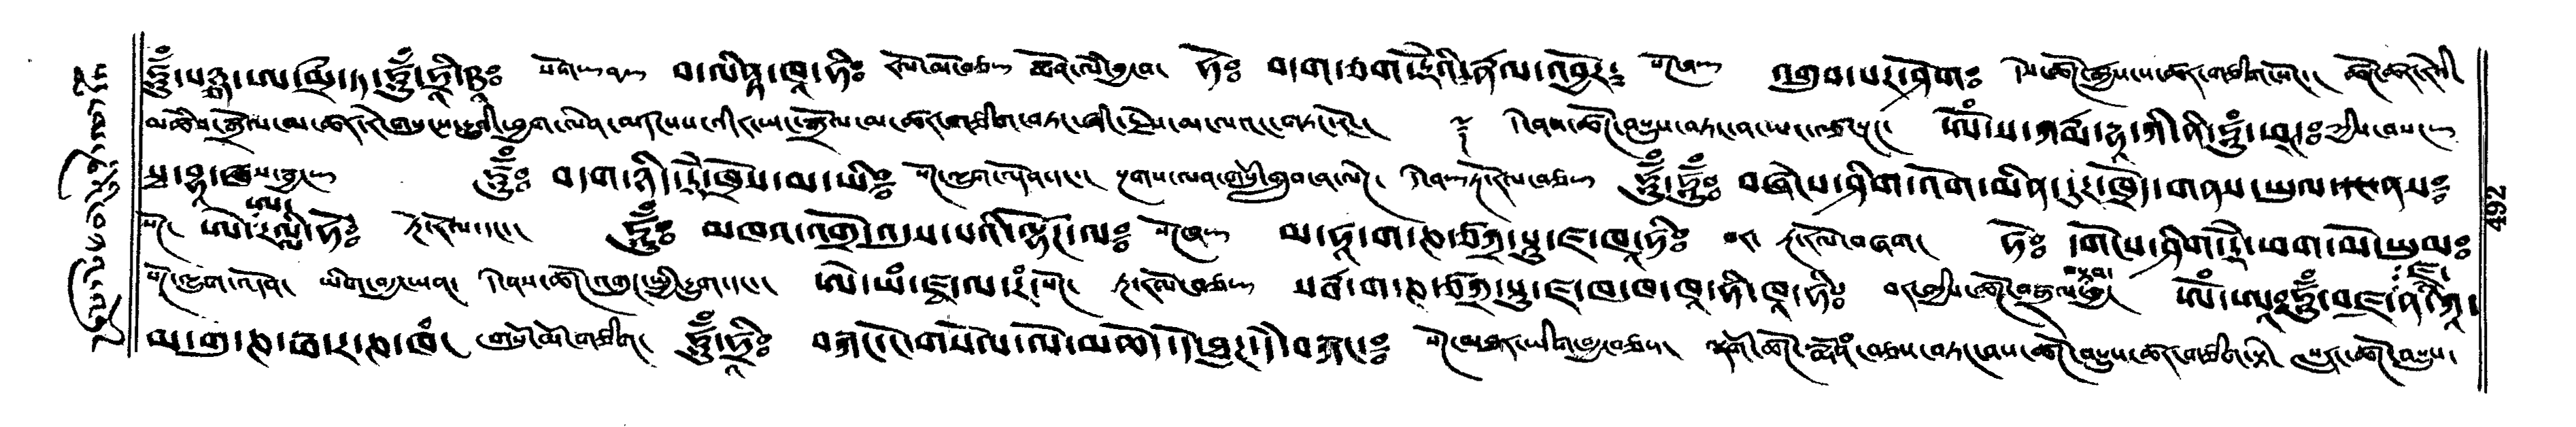ཧཱུྃ་པཉྩ་ཨ་མྲྀ་ཏ་ཧཱུྃ་ཧྲཱིཿཋཱ༔ སོགས་ནས། བ་ལིང་ཏ་ཁཱ་ཧི༔ རོལ་མོ་བཅས་སྨོན་ལམ་བྱ་བ། ཧོ༔ བདག་ཅག་རྡོ་རྗེའི་རྣལ་འབྱོར༴ སོགས་ནས། འགྲུབ་པར་ཤོག༔ དེས་ཚོགས་རྒྱས་པ་ཚར་གཅིག་སོང་། 
ཚོགས་ཚར་རེའི་མཚམས་སྒྲོལ་མ་ཚར་རེ་གསུང་རྒྱུའི་ཕྱག་ལེན་མཛད་པས་འདིར་ཡང་སྒྲོལ་མ་ཚར་གཅིག་གཏང་ཞིང་རྗེས་མ་ལའང་གཏང་ངོ།། ༈ དེ་ནས་ཚོགས་བསྡུས་བཏང་ན་ཡང་རྩ་སྔགས། ཨོཾ་ས་ཀརྨ་དྷཱ་ཀི་ནི་ཧཱུྃ་ཕཊཿ ཀྱིས་བསང་། 
སྭ་བྷཱ་ཝ ས་སྦྱངས། ཧཱུྃ༔ བདག་ཉིད་རྡོ་རྗེ་ཁྲོས་མ་ཡི༔ སོགས་ལྷུག་འདོན་དང་། སྔགས་ལན་གསུམ་གྲུབ་ན་ལེགས། དེ་ནས་རྔ་རོལ་བཅས། ཧཱུྃ་ཧཱུྃ༔ བཞེངས་ཤིག་འོག་མིན་དུར་ཁྲོད་གནས་ཡུལ་ནས༔ 
སོགས། ཨེ་ཨ་རལླི་ཧོ༔ རྔ་རོལ་དང་། ཧཱུྃ༔ མཁའ་འགྲོ་འདུས་པའི་ལྷ་ཚོགས་ལ༔ སོགས་ནས། མ་ཧཱ་ག་ཎ་ཙཀྲ་པཱུ་ཛ་ཁཱ་ཧི༔ བར། རྔ་རོལ་གཞག ཧོ༔ དགོངས་ཤིག་རྡོ་རྗེ་ཕག་མོ་ཡུམ༔ 
སོགས་ལྷུག་འདོན། ཡིག་བརྒྱ་ཡན། དེ་ནས་ཚོགས་འགུགས་སྤྱི་རྒྱུག་དང་། ཨེ་ཡཾ་ཛྭ་ལ་རཾ༴ སོགས། རྔ་རོལ་བཅས། སརྦ་ག་ཎ་ཙཀྲ་པཱུ་ཛ་ཁ་ཁ་ཁཱ་ཧི་ཁཱ་ཧི༔ བར་གྱིས་ཚོགས་བསྒྲལ་བསྟབ་བྱ། ཨོཾ་ཨཱཿཧཱུྃ་བཛྲ་ཛྙཱ་ན་ཀཱ་
མ་གུ་ཎ་སྥ་ར་ཎ་ཁཾ། གསུམ་མམ་གཅིག ཧཱུྃ་ཧྲཱི༔ བསྐང་ངོ་གསོལ་ལོ་མཆོད་དོ་ཐུགས་དམ་བསྐང༔ སོགས་མཐར་ཡིག་བརྒྱ་བཅས། ལྷག་མ་ཚོགས་སྨོན་ལམ་བཅས་བཏང་བས་ཚོགས་བསྡུས་ཚར་གཅིག་སྟེ། སླར་ཚོགས་བསྡུས་